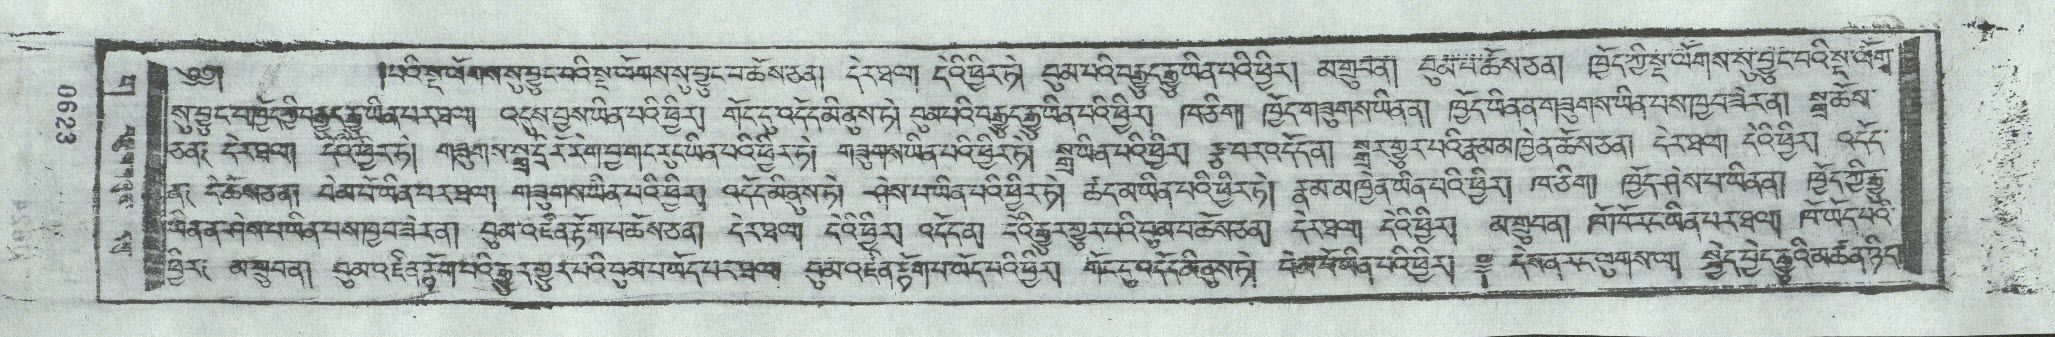༄༅། །པའི་སྔ་ལོགས་སུ་བྱུང་བའི་སྔ་ལོགས་སུ་བྱུང་བ་ཆོས་ཅན། དེར་ཐལ། དེའི་ཕྱིར་ཏེ། བུམ་པའི་བརྒྱུད་རྒྱུ་ཡིན་པའི་ཕྱིར། མ་གྲུབ་ན། བུམ་པ་ཆོས་ཅན། ཁྱོད་ཀྱི་སྔ་ལོགས་སུ་བྱུང་བའི་སྔ་ལོགས་
སུ་བྱུང་བ་ཁྱོད་ཀྱི་བརྒྱུད་རྒྱུ་ཡིན་པར་ཐལ། འདུས་བྱས་ཡིན་པའི་ཕྱིར། གོང་དུ་འདོད་མི་ནུས་ཏེ། བུམ་པའི་བརྒྱུད་རྒྱུ་ཡིན་པའི་ཕྱིར། ཁ་ཅིག། ཁྱོད་གཟུགས་ཡིན་ན། ཁྱོད་ཡིན་ན་གཟུགས་ཡིན་པས་ཁྱབ་ཟེར་ན། སྒྲ་ཆོས་
ཅན༑ དེར་ཐལ། དེའི་ཕྱིར་ཏེ། གཟུགས་སྒྲ་དྲི་རོ་རེག་བྱ་གང་རུང་ཡིན་པའི་ཕྱིར་ཏེ། གཟུགས་ཡིན་པའི་ཕྱིར་ཏེ། སྒྲ་ཡིན་པའི་ཕྱིར། རྩ་བར་འདོད་ན། སྒྲར་གྱུར་པའི་རྣམ་མཁྱེན་ཆོས་ཅན། དེར་ཐལ། དེའི་ཕྱིར། འདོད་
ན༑ དེ་ཆོས་ཅན། བེམ་པོ་ཡིན་པར་ཐལ། གཟུགས་ཡིན་པའི་ཕྱིར། འདོད་མི་ནུས་ཏེ། ཤེས་པ་ཡིན་པའི་ཕྱིར་ཏེ། ཚད་མ་ཡིན་པའི་ཕྱིར་ཏེ། རྣམ་མཁྱེན་ཡིན་པའི་ཕྱིར། ཁ་ཅིག། ཁྱོད་ཤེས་པ་ཡིན་ན། ཁྱོད་ཀྱི་རྒྱུ་
ཡིན་ན་ཤེས་པ་ཡིན་པས་ཁྱབ་ཟེར་ན། བུམ་འཛིན་རྟོག་པ་ཆོས་ཅན། དེར་ཐལ། དེའི་ཕྱིར། འདོད་ན། དེའི་རྒྱུར་གྱུར་པའི་བུམ་པ་ཆོས་ཅན། དེར་ཐལ། དེའི་ཕྱིར། མ་གྲུབ་ན། ཁོ་ཁོ་རང་ཡིན་པར་ཐལ། ཁོ་ཡོད་པའི་
ཕྱིར༑ མ་གྲུབ་ན། བུམ་འཛིན་རྟོག་པའི་རྒྱུར་གྱུར་པའི་བུམ་པ་ཡོད་པར་ཐལ། བུམ་འཛིན་རྟོག་པ་ཡོད་པའི་ཕྱིར། གོང་དུ་འདོད་མི་ནུས་ཏེ། བེམ་པོ་ཡིན་པའི་ཕྱིར། ༈ དེས་ན་རང་ལུགས་ལ། སྐྱེད་བྱེད་རྒྱུའི་མཚན་ཉིད།